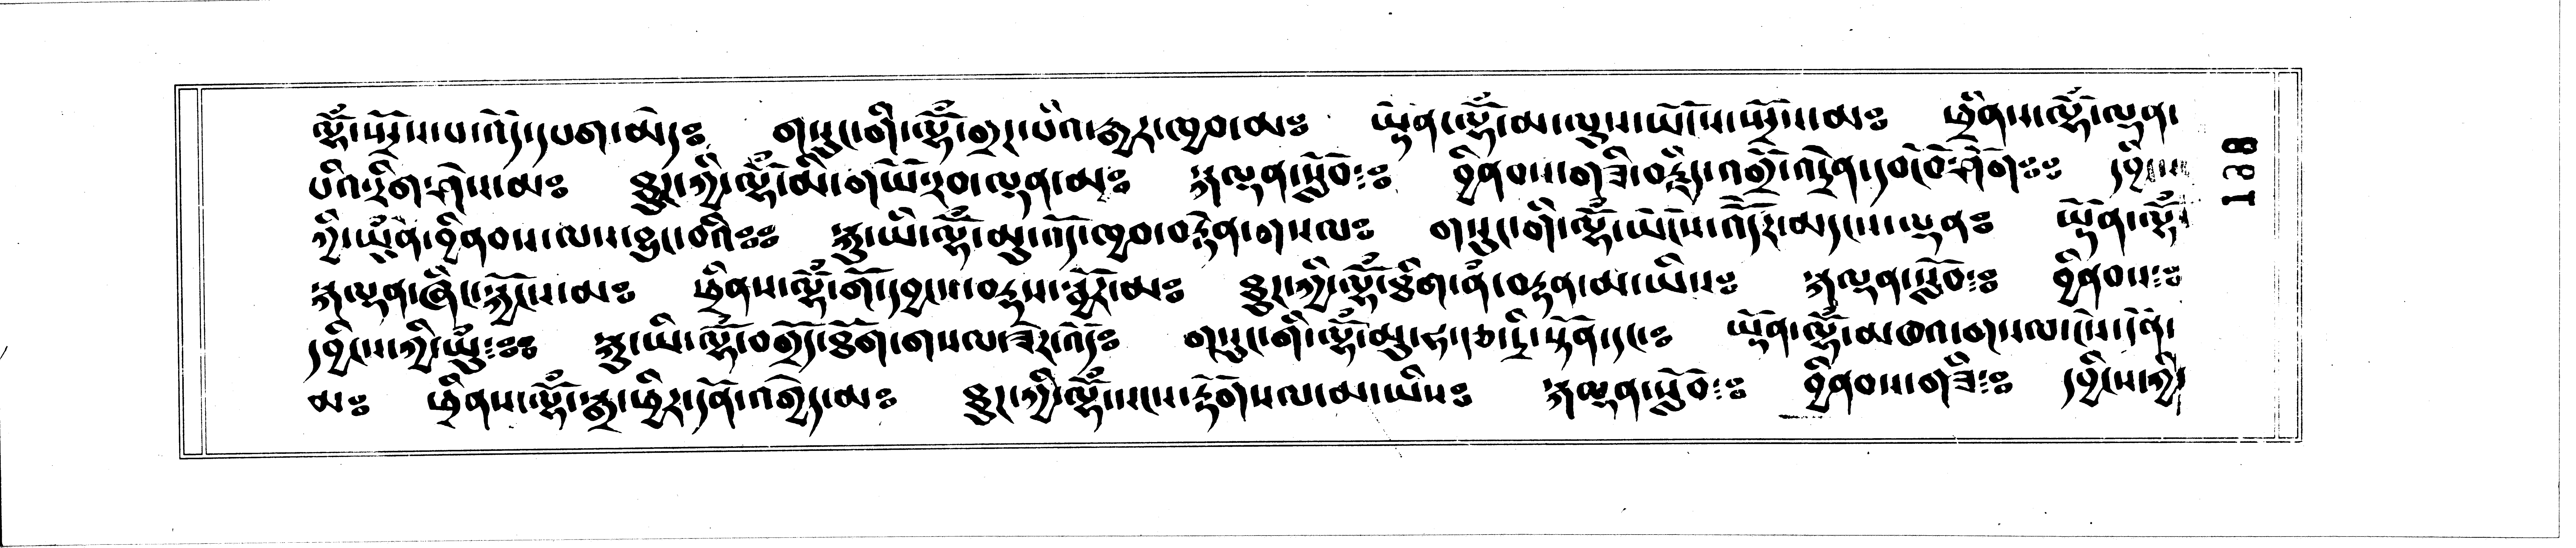ལྷ་མོ་སྤྲོས་པ་འོད་དཔག་མེདཿ གསུང་གི་ལྷ་མོ་གྲགས་པའི་རྒྱར་ཁྱབ་མཿ ཡོན་ཏན་ལྷ་མོ་མ་ལུས་ཡོངས་སྤྲོས་མཿ ཕྲིན་ལས་ལྷ་མོ་ལྡན་
པ་རིག་ཤེས་མཿ ཐུགས་ཀྱི་ལྷ་མོ་མི་གཡོ་རབ་ལྡན་མཿ སྐལ་ལྡན་སློབ་མ་རྣམས་ལ་དབང་བསྐུར་བསཿ བྱིན་རླབས་གཟི་བརྗིད་འགྲོ་འདྲེན་དབང་ཐོབ་ཤོགཿ དབྱིངས་
ཀྱི་ཡུམ་ཆེན་བྱིན་རླབས་ལས་བྱུང་བའིཿ སྐུ་ཡི་ལྷ་མོ་མུ་འོད་ཁྱབ་བརྟེན་གསལཿ གསུང་གི་ལྷ་མོ་ཡོངས་འོད་ཟེར་མདངས་ལྡན་མཿ ཡོན་ཏན་གྱི་ལྷ་མོ་
སྐལ་ལྡན་ཞིང་སྐྱོང་མཿ ཕྲིན་ལས་ཀྱི་ལྷ་མོ་གོ་དབྱངས་བརྡ་སྦྱོར་མཿ ཐུགས་ཀྱི་ལྷ་མོ་ཐིག་ནམ་བརྟེན་མ་ཡིསཿ སྐལ་ལྡན་སློབ་མ་རྣམས་ལ་དབང་བསྐུར་བསཿ བྱིན་རླབས་གཟི་བརྗིད་འགྲོ་འདྲེན་དབང་ཐོབ་ཤོགཿ 
དབྱིངས་ཀྱི་ཡུམ་ཆེན་བྱིན་རླབས་ལས་བྱུང་བའིཿ སྐུ་ཡི་ལྷ་མོ་འབྲོང་ཐོག་གསལ་ཟེར་འོདཿ གསུང་གི་ལྷ་མོ་མུ་ཧ་ལ་རྩལ་དྲི་སྟོནཿ ཡོན་ཏན་གྱི་ལྷ་མོ་མཁའ་གསལ་ངེས་དོན་
མཿ ཕྲིན་ལས་ཀྱི་ལྷ་མོ་སྒྲ་ཕྱིར་དོན་འབྱེད་མཿ ཐུགས་ཀྱི་ལྷ་མོ་སངས་རྟོགས་གསལ་མཿ སྐལ་ལྡན་སློབ་མ་རྣམས་ལ་དབང་བསྐུར་བསཿ བྱིན་རླབས་གཟི་བརྗིད་འགྲོ་འདྲེན་དབང་ཐོབ་ཤོགཿ དབྱིངས་ཀྱི་